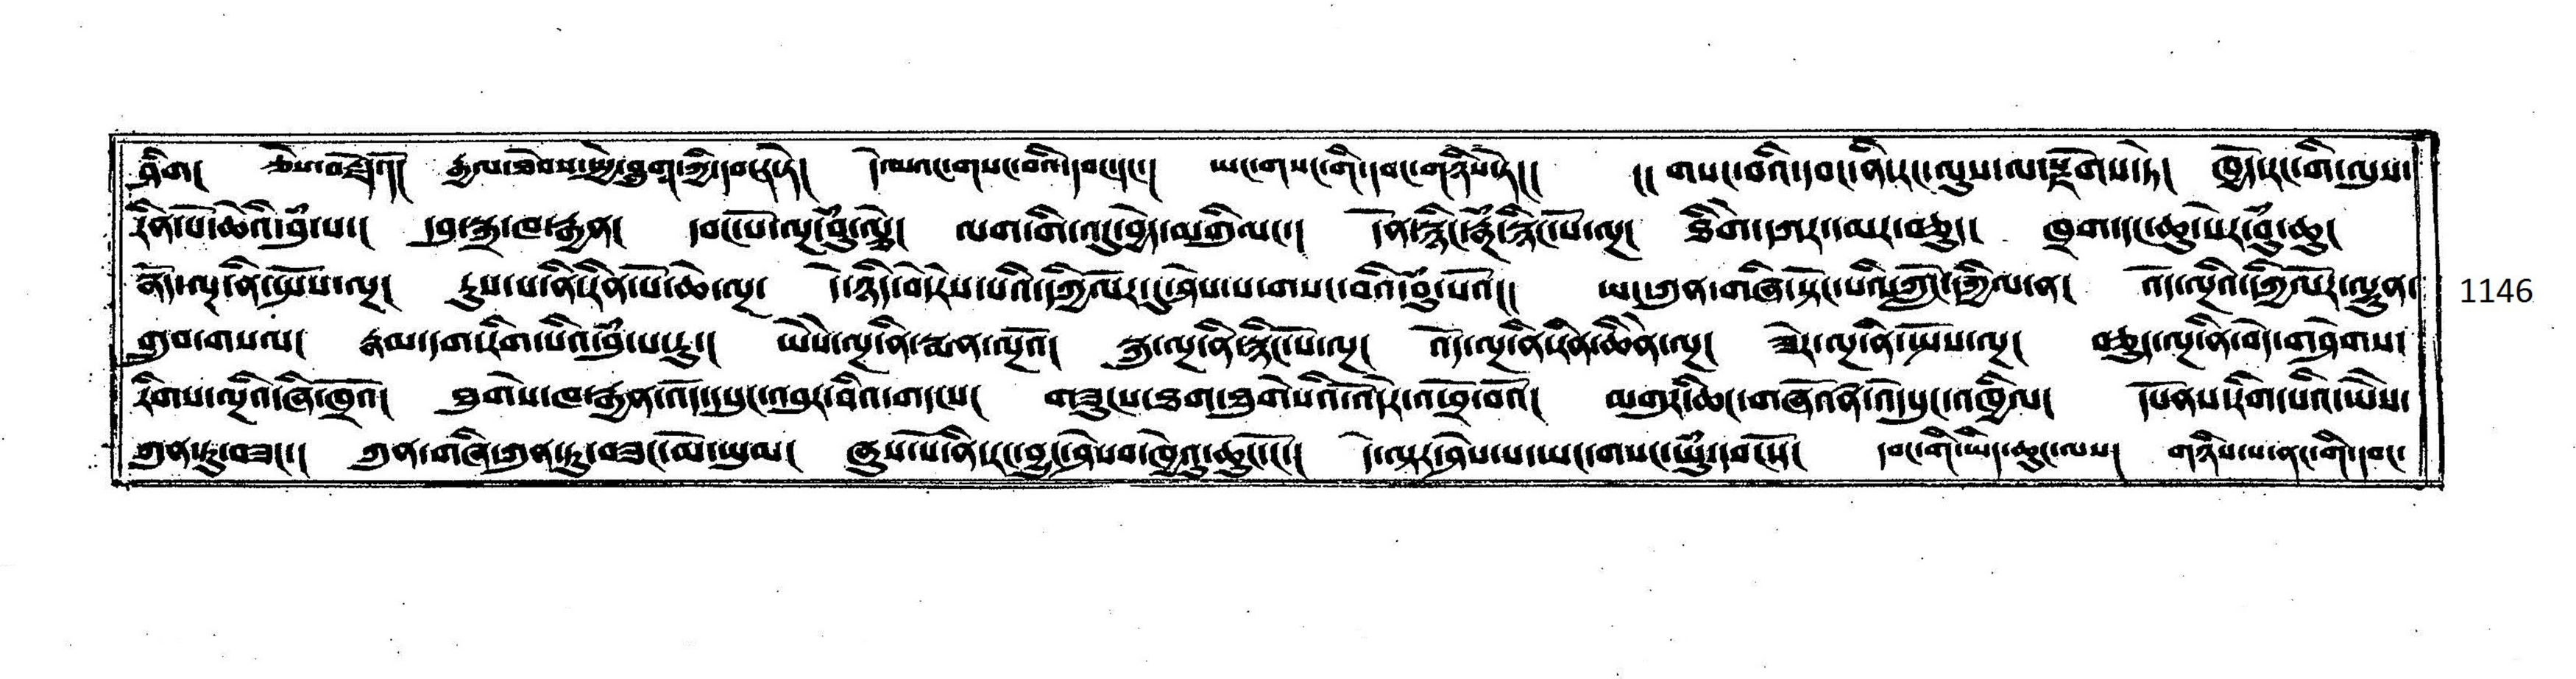ཤིག ཅེས་བརྗོད་དོ། རྒྱལ་ཐེབས་སྤྱེ་བླུགས་ཀྱི་དབང་བསྐུར་ཏེ། དེ་ལའང་གསང་བའི་དབང་དང་། ཡང་གསང་གི་དབང་གཉིས་ཏེ།། །།གསང་བའི་དབང་ནི་རང་ལུས་ལ་རྫོགས་ཏེ། ཁྱོད་རང་གི་ལུས་
རིན་པོ་ཆེའི་བུམ་པ། དབུ་སྐྲ་ཁ་རྒྱན། དབང་པོ་ལྔ་བུམ་ལྕེ། ལག་གི་འདུ་བྱེད་མགུལ་ཆིང་། དོན་སྙིང་རྣམ་ལྔ་སྙིང་པོ་ལྔ། ཐིག་ལེ་དཀར་དམར་བཅུད། ཁྲག་དང་ཆུ་སེར་བུམ་ཆུ། 
སྣོད་ལྔ་ནི་སྤོས་ལྔ། རུས་པ་ནི་རིན་པོ་ཆེ་ལྔ་དེ་ཉིད་བདེ་བར་གཤེགས་པའི་དཀྱིལ་འཁོར་དུཤེས་པ་གསང་བའི་བུམ་པའོ།། ཡང་ཀུན་གཞི་སྟོང་པའི་ཀློང་དཀྱིལ་ན། འོད་ལྔའི་དཀྱིལ་འཁོར་ལྷུན་གྲུབ་
གསལ། རྣམ་དག་རིག་པའི་བུམ་པ་རུ། ཡེ་ཤེས་ལྔ་ནི་སྨན་ལྔའོ། སྐུ་ལྔ་ནི་སྙིང་པོ་ལྔ། འོད་ལྔ་ནི་རིན་ཆེན་ལྔ། ཟེར་ལྔ་ནི་སྤོས་ལྔ། བཅུད་ལྔ་ནི་བདེ་གཤེགས་
རིགས་ལྔའི་ཞི་ཁྲོའོ། ཐུགས་རྗེ་ཁ་རྒྱན་འོད་དཔུང་འབུར་བའི་གདངས། གཟུངས་ཐག་ཐུགས་རྗེའི་འོད་ཟེར་འཕྲོ་བའོ། མགུར་ཆིང་གཞའ་ཚོན་འོད་དཔུང་འཁྱིལ། དཔོན་གསས་རིག་པའི་ཡེ་ཤེས་
ཀུན་ཏུ་བཟང་། ཀུན་གཞི་ཀུན་ཏུ་བཟང་མོ་ཡུམ། ཞུ་བ་པོ་ནི་རང་བྱུང་ཤེས་རབ་ཁྱེའུ་ཆུང་ངོ་། དེ་ལྟར་ཤེས་པ་ཡང་གསང་ཡུམ་དབང་ངོ་། དབང་གི་ཡིག་ཆུང་ལས། གཉིས་པ་ནང་གི་དབང་